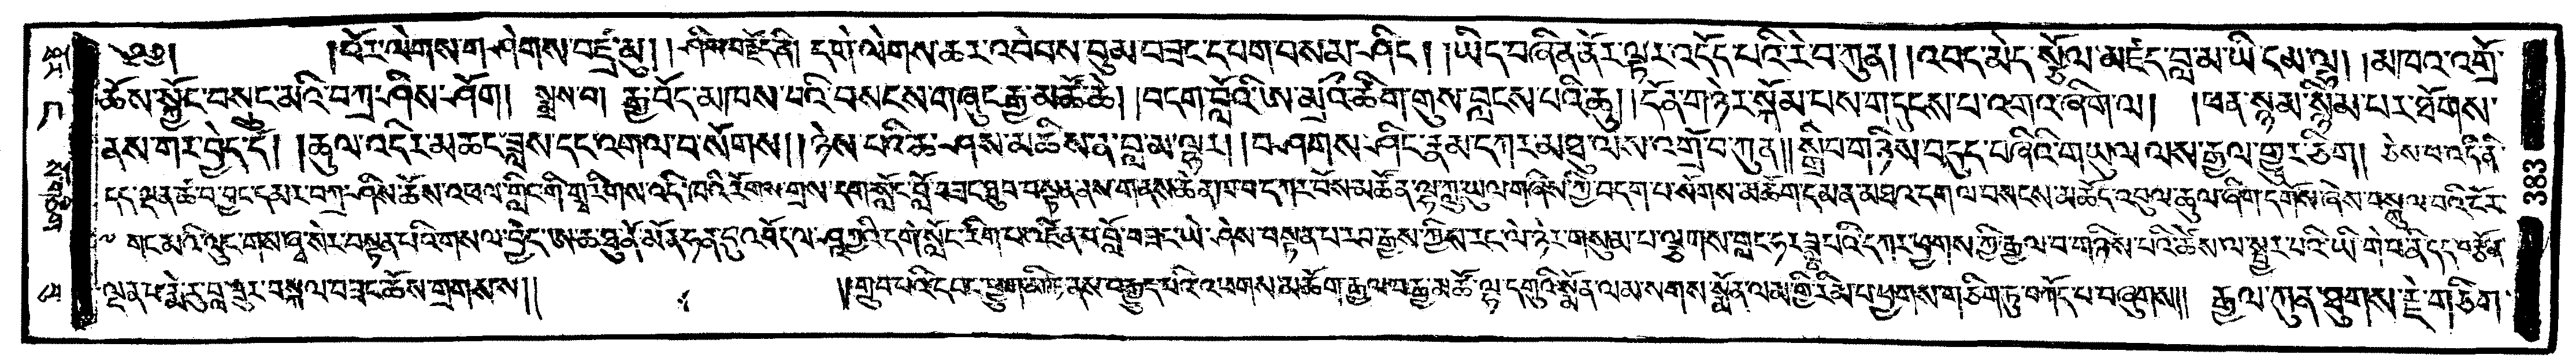༄༅། །བོར་ལེགས་གཤེགས་བྫྲ་མུ། །ཤིས་བརྗོད་ནི། དགེ་ལེགས་ཆར་འབེབས་བུམ་བཟང་དཔག་བསམ་ཤིང་། །ཡིད་བཞིན་ནོར་ལྟར་འདོད་པའི་རེ་བ་ཀུན། །འབད་མེད་སྩོལ་མཛད་བླ་མ་ཡི་དམ་ལྷ། །མཁའ་འགྲོ་
ཆོས་སྐྱོང་བསྲུང་མའི་བཀྲ་ཤིས་ཤོག །སྨྲས་བ། རྒྱ་བོད་མཁས་པའི་བསངས་གཞུང་རྒྱ་མཚོ་ཆེ། །བདག་བློའི་ཨ་མྲའི་ཚིག་གུས་བླངས་པའི་ཆུ། །དོན་གཉེར་སྐོམ་པས་གདུངས་པ་འགའ་ཞིག་ལ། །ཕན་སྙམ་སྙིམ་པར་ཐོགས་
ནས་གར་བྱེད་དོ། །ཆུལ་འདིར་མཆང་ཟླས་དང་འགལ་བ་སོགས། །ཉེས་པའི་ཆ་ཤས་མཆིས་ན་བླ་མ་ལྷར། །བཤགས་ཤིང་རྣམ་དཀར་མཐུ་ལས་འགྲོ་བ་ཀུན། །སྒྲིབ་གཉིས་བདུད་བཞིའི་གཡུལ་ལས་རྒྱལ་གྱུར་ཅིག །ཅེས་པ་འདི་ནི་
དད་ལྡན་ཚ་བ་བྱང་དམར་བཀྲ་ཤིས་ཆོས་འཕལ་གླིང་གི་གྲྭ་རིགས་འདི་ཁའི་རོགས་གྲས་དག་སློང་བློ་བཟང་ཐུབ་བསྟན་ནས་གནས་ཆེན་ཁ་བ་དཀར་པོས་མཚོན་ལྷ་ཀླུ་ཡུལ་གཞིས་ཀྱི་བདག་པ་སོགས་མཆོག་དམན་མཐའ་དག་ལ་བསངས་མཆོད་འབུལ་ཆུལ་ཞིག་དགོས་ཞེས་བསྐུལ་བའི་ངོར་
༧གང་མའི་ལུང་གས་ཞྭ་སེར་བསྟན་པའི་གསལ་བྱེད་ཨ་ཆ་ཐུ་ནོ་མོན་ཧན་དུ་འབོད་ལ་ཤཱཀྱའི་དགེ་སློང་རིག་པ་འཛིན་པ་བློ་བཟང་ཡེ་ཤེས་བསྟན་པ་རབ་རྒྱས་ཀྱིས་རང་ལེ་ཉེར་གསུམ་པ་ལྕགས་གླང་ཧར་ཟླ་པའི་དཀར་ཕྱགས་ཀྱི་རྒྱལ་བ་གཉིས་པའི་ཚེས་ལ་སྦྱར་པའི་ཡི་གེ་བ་ནི་དད་བརྩོན་
ལྡན་པ་རྨེ་རུ་བླ་ཟུར་བསྐལ་བཟང་ཆོས་གྲགས་ས།། ༈ །།གྲུབ་པའི་དབང་ཕྱུག་མི་ཏ་ནས་བརྒྱུད་པའི་འཕགས་མཆོག་རྒྱལ་བ་རྒྱ་མཚོ་ལྷ་དགུའི་སྨོན་ལམ་སགས་སྨོན་ལམ་གྱི་རིམ་པ་ཕྱག་གཅིག་ཏུ་བཀོད་པ་བཞུགས། །རྒྱལ་ཀུན་ཐུགས་རྗེ་གཅིག་